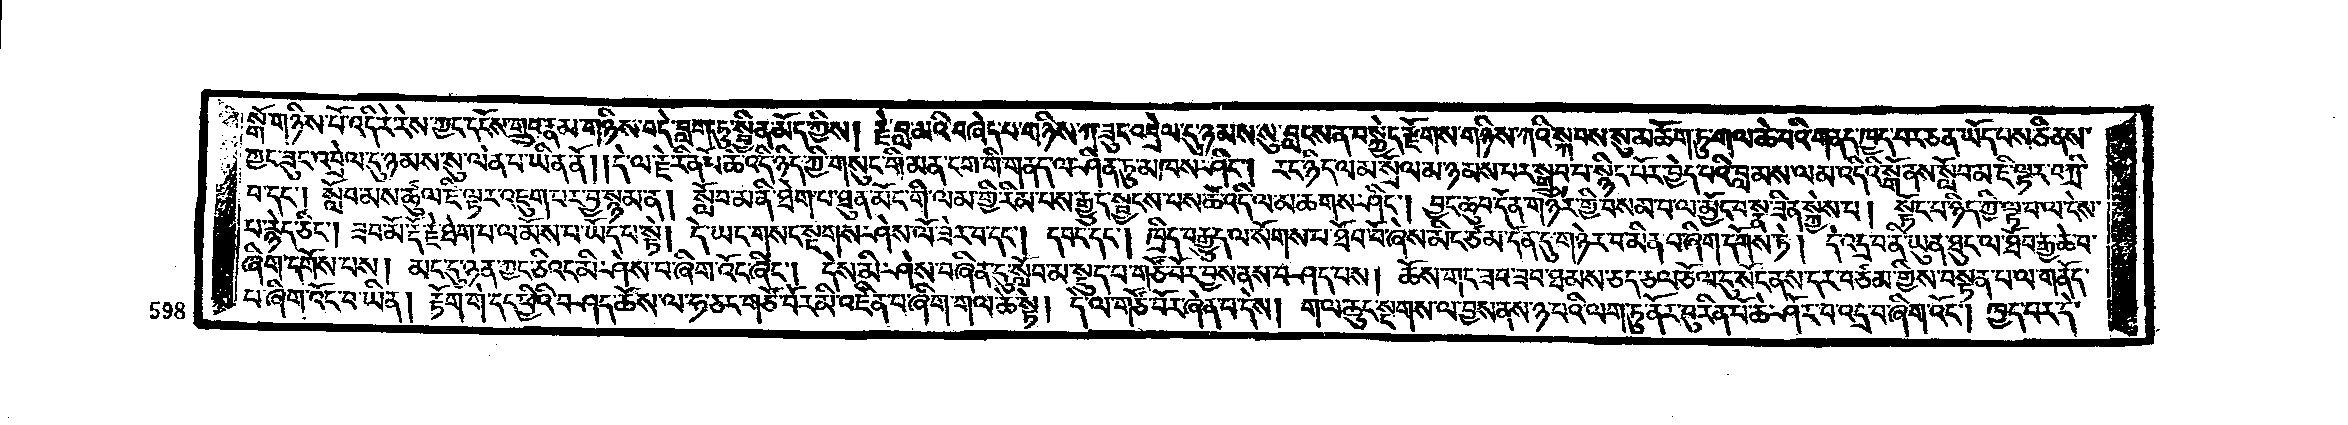སྒོ་གཉིས་པོ་འདི་རེ་རེས་ཀྱང་དངོས་གྲུབ་རྣམ་གཉིས་བདེ་བླག་ཏུ་སྦྱིན་མོད་ཀྱིས། རྗེ་བླ་མའི་བཞེད་པ་གཉིས་ཀ་ཟུང་འབྲེལ་དུ་ཉམས་སུ་བླངས་ན་བསྐྱེད་རྫོགས་གཉིས་ཀའི་སྐབས་སུ་མཆོག་ཏུ་གལ་ཆེ་བའི་གནད་ཁྱད་པར་ཅན་ཡོད་པས་ཅི་ནས་
ཀྱང་ཟུང་འབྲེལ་དུ་ཉམས་སུ་ལེན་པ་ཡིན་ནོ། །དེ་ལ་རྗེ་རིན་པོ་ཆེ་འདི་ཉིད་ཀྱི་གསུང་གི་མན་ངག་གི་གནད་ལ་ཤིན་ཏུ་མཁས་ཤིང་། རང་ཉིད་ལམ་སྲོལ་མ་ཉམས་པར་སྒྲུབ་པ་སྙིང་པོར་བྱེད་པའི་བླ་མས་ལམ་འདིའི་སྒོ་ནས་སློབ་མ་ཇི་ལྟར་བཀྲི་
བ་དང་། སློབ་མས་ཚུལ་ཇི་ལྟར་འཇུག་པར་བྱ་སྙམ་ན། སློབ་མ་ནི་ཐེག་པ་ཐུན་མོང་གི་ལམ་གྱི་རིམ་པས་རྒྱུད་སྦྱངས་པས་ཚེ་འདི་ལ་མ་ཆགས་ཤིང་། བྱང་ཆུབ་དོན་གཉེར་གྱི་བསམ་པ་ལ་མྱོང་བ་སྣ་ཟིན་སྐྱེས་པ། སྟོང་པ་ཉིད་ཀྱི་ལྟ་བ་ལ་ངེས་
པ་རྙེད་ཅིང་། ཟབ་མོ་རྡོ་རྗེ་ཐེག་པ་ལ་མོས་པ་ཡོད་པ་སྟེ། དེ་ཡང་གསང་སྔགས་ཤེས་ལོ་ཟེར་བ་དང་། དབང་དང་། ཁྲིད་བརྒྱུད་ལ་སོགས་པ་ཐོབ་བོ་ཞེས་མིང་ཙམ་དོན་དུ་གཉེར་བ་མིན་པ་ཞིག་དགོས་ཏེ། དེ་འདྲ་བ་ནི་ཡུན་ཐུང་ལ་ཐོབ་རྒྱ་ཆེ་བ་
ཞིག་དགོས་པས། མང་དུ་ཉན་ཀྱང་ཅིའང་མི་ཤེས་པ་ཞིག་འོང་ཞིང་། དེས་མི་ཤེས་བཞིན་དུ་སློབ་མ་སྡུད་པ་གཙོ་བོར་བྱས་ནས་བཤད་པས། ཆོས་གང་ཟབ་ཟབ་ཐམས་ཅད་ཅལ་ཅོལ་དུ་སོང་ནས་དར་བ་ཙམ་གྱིས་བསྟན་པ་ལ་གནོད་
པ་ཞིག་འོང་བ་ཡིན། རྟོག་གེ་དང་ཕྱིའི་བཤད་ཆོས་ལ་ཧ་ཅང་གཙོ་བོར་མི་འཛིན་པ་ཞིག་གལ་ཆེ་སྟེ། དེ་ལ་གཙོ་བོར་ཞེན་པ་དེས། གལ་ཆུང་སྔགས་ལ་བྱས་ནས་ཉ་པའི་ལག་ཏུ་ནོར་བུ་རིན་པོ་ཆེ་ཤོར་བ་འདྲ་བ་ཞིག་འོང་། ཁྱད་པར་དེ་